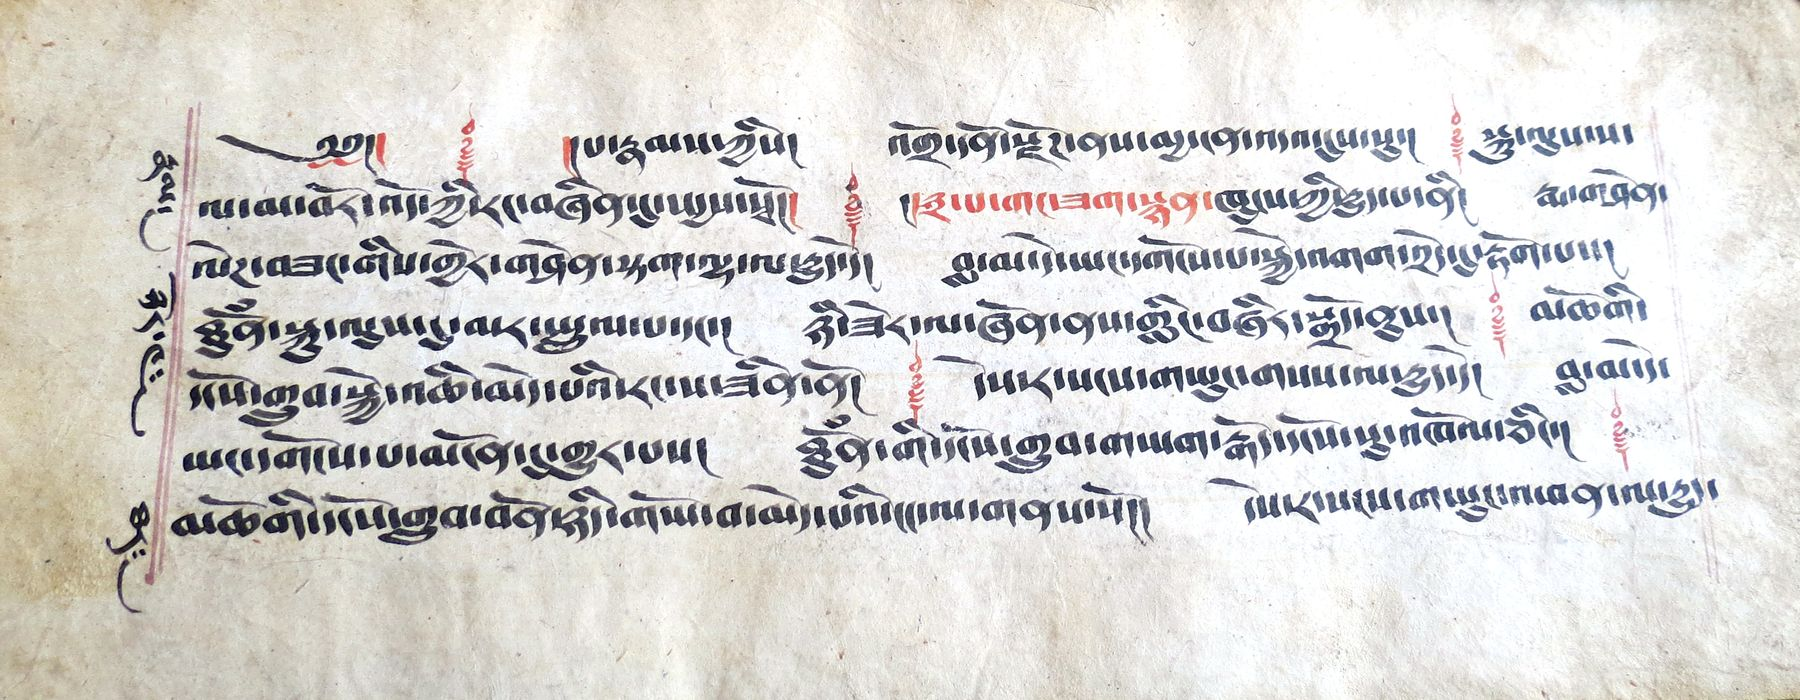པ་རྣམས་ཀྱི་འགྲོ་དོན་རྫོགས་ནས་མྱ་ངན་འདས་དུས་སུ། སྐུ་ལུས་ས་
ལ་མ་བོར་འོད་ཀྱི་རང་བཞིན་དུ་སངས་རྒྱས་སོ། ། གསུམ་པ་གང་ཟག་སྙན་ཁུངས་ཀྱི་བརྒྱུད་པ་ནི། རྨ་གཤེན་
ལེགས་བཟང་གིས་གྱེར་གཤེན་སྟག་ལ་ལ་བརྒྱུད་དེ། བླ་མ་དེ་ཡང་དགོངས་པ་སྐྱེ་འགག་གཉིས་མེད་དུ་རྟོགས་པས། 
ཐུན་མོང་གི་དངོས་གྲུབ་སྐུ་ལུས་དུ་མར་སྤྲུལ་པ་དང་། ཉི་ཟེར་ལ་ཞོན་ནས་གླིང་བཞིར་བསྒྲོད་ནུས། མཆོག་གི་
དངོས་གྲུབ་སྐྱེ་འཆི་མེད་པའི་རང་ས་ཟིན་ནོ། ། དེས་ར་སང་གཡུང་དྲུང་གསས་ལ་བརྒྱུད་དེ། བླ་མ་དེ་
ཡང་དགོངས་པ་མངོན་དུ་གྱུར་པས། ཐུན་མོང་གི་དངོས་གྲུབ་གཡག་རྒོད་དངོས་སུ་འགེལ་ཞིང་། 
མཆོག་གི་དངོས་གྲུབ་བོན་ཉིད་གཡོ་བ་མེད་པའི་ངང་ལ་གནས་སོ། ། དེས་ར་སངས་གཡུང་འཕན་ལ་བརྒྱུད་